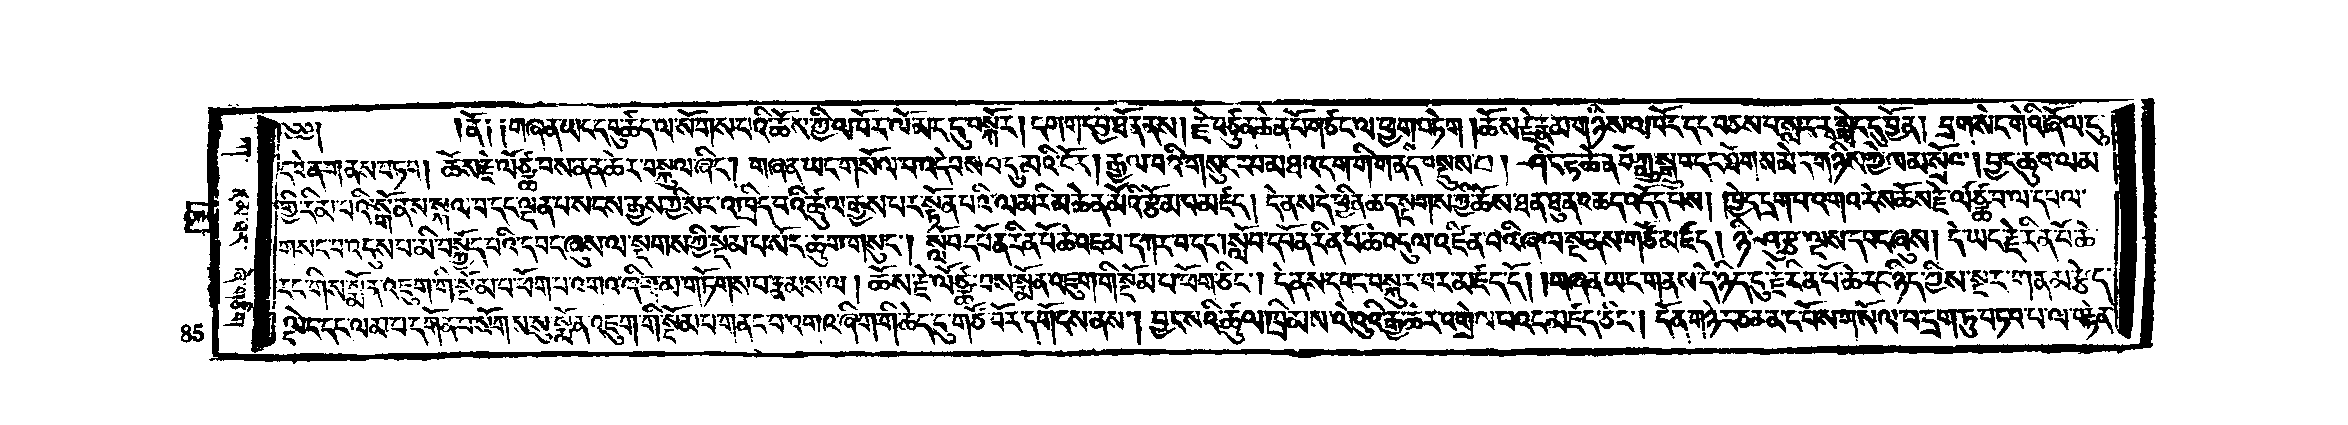༄༅། །ནོ༑ ༑གཞན་ཡང་དབུ་ཚད་ལ་སོགས་པའི་ཆོས་ཀྱི་འཁོར་ལོ་མང་དུ་བསྐོར། དགག་དབྱེ་ཐོན་ནས། རྗེ་བཙུན་ཆེན་པོ་གཙང་ལ་ཕྱགས་བཏེག །ཆོས་རྗེ་རྣམ་གཉིས་འཁོར་དང་བཅས་པ་སླར་རྭ་སྒེང་དུ་བྱོན། བྲག་སེང་གེའི་ཞོལ་དུ་
དབེན་གནས་བཏབ། ཆོས་རྗེ་ལོཙྪ་བས་ནན་ཆེར་བསྐུལ་ཞིང་། གཞན་ཡང་གསོལ་བ་འདེབས་པ་དུ་མའི་ངོར། རྒྱལ་བའི་གསུང་རབ་མཐའ་དག་གི་གནད་བསྡུས་པ། ཤིང་རྟ་ཆེན་པོ་ཀླུ་སྒྲུབ་དང་ཐོགས་མེད་གཉིས་ཀྱེ་ལམ་སྲོལ། བྱང་ཆུབ་ལམ་
གྱི་རིམ་པའི་སྒོ་ནས་སྐལ་བ་དང་ལྡན་པ་སངས་རྒྱས་ཀྱི་སར་འཁྲིད་པའི་ཚུལ་རྒྱས་པར་སྟོན་པའི་ལམ་རིམ་ཆེན་མོའི་རྩོམ་པ་མཛད། དེ་ནས་དེ་ཕྱིན་ཆད་སྔགས་ཀྱི་ཆོས་ཐན་ཐུན་འཆད་འདོད་པས། ཁྱེད་དྲག་པ་འགའ་རེས་ཆོས་རྗེ་ལོཙྪ་བ་ལ་དཔལ་
གསང་བ་འདུས་པ་མི་བསྐྱོད་པའི་དབང་ཞུས་ལ་སྔགས་ཀྱི་སྡོམ་པ་སོར་ཆུག་གསུང་། སློབ་དཔོན་རིན་པོ་ཆེ་འཇམ་དཀར་བ་དང་། སློབ་དཔོན་རིན་པོ་ཆེ་འདུལ་འཛིན་པའི་ཞལ་སྔ་ནས་གཙོ་མཛད། ཉི་ཤུ་རྩ་ལྔས་དབང་ཞུས། དེ་ཡང་རྗེ་རིན་པོ་ཆེ་
རང་གིས་སྨོན་འཇུག་གི་སྡོམ་པ་ཕོག་པ་འགའ་ཞིག་མ་གཏོགས་པ་རྣམས་ལ། ཆོས་རྗེ་ལོཙྪ་བས་སྨོན་འཇུག་གི་སྡོམ་པ་ཕོག་ཅིང་། དེ་ནས་དབང་བསྐུར་བར་མཛད་དོ། །གཞན་ཡང་གནས་དེ་ཉིད་དུ་རྗེ་རིན་པོ་ཆེ་རང་ཉིད་ཀྱིས་སྔར་གནམ་རྩེད་
ལྡེང་དང་ལམ་པ་དགོན་པ་སོགས་སུ་སྨོན་འཇུག་གི་སྡོམ་པ་གནང་བ་འགའ་ཞིག་གི་ཆེད་དུ་གཙོ་བོར་དགོངས་ནས། བྱང་སའི་ཚུལ་ཁྲིམས་ལེའུའི་རྒྱ་ཆེར་འགྲེལ་པའང་མཛད་ཅིང་། དོན་གཉེར་ཅན་མང་པོས་གསོལ་བ་དྲག་ཏུ་བཏབ་པ་ལ་བརྟེན་